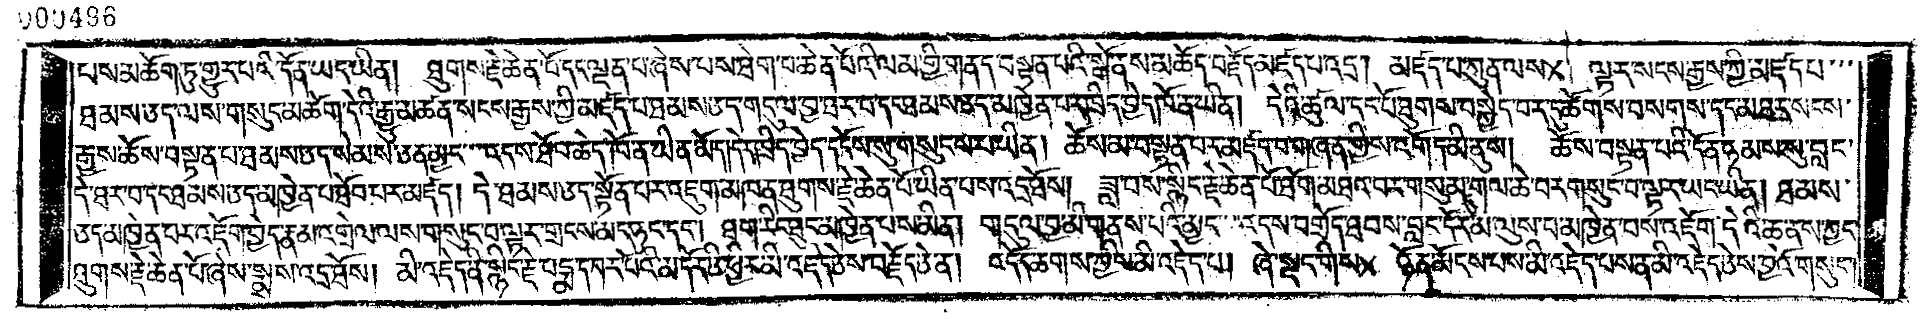པས་མཆོག་ཏུ་གྱུར་པའི་དོན་ཡང་ཡིན། ཐུགས་རྗེ་ཆེན་པོ་དང་ལྡན་པ་ཞེས་པས་ཐེག་པ་ཆེན་པོའི་ལམ་གྱི་གནད་བསྟན་པའི་སྒོ་ནས་མཆོད་བརྗོད་མཛད་པ་འདྲ། མཛད་པ་ཀུན་ལས྾་ལྟར་སངས་རྒྱས་ཀྱི་མཛད་པ་
ཐམས་ཅད་ལས་གསུང་མཆོག་དེའི་རྒྱུ་མཚན་སངས་རྒྱས་ཀྱི་མཛད་པ་ཐམས་ཅད་གདུལ་བྱ་ཐར་པ་དང་ཐམས་ཅད་མཁྱེན་པར་ཁྲིད་བྱེད་ཁོ་ན་ཡིན། དེའི་ཚུལ་དང་པོ་ཐུགས་བསྐྱེད་པར་དུ་ཚོགས་བསགས་དང་མཐར་སངས་
རྒྱས་ཆོས་བསྟན་པ་ཐམས་ཅད་སེམས་ཅན་མྱང་འདས་ཐོབ་ཆེད་ཁོ་ན་ཡིན་མོད། དེར་ཁྲིད་བྱེད་དངོས་སུ་གསུངས་པ་ཡིན། ཆོས་མ་བསྟན་པར་མཛད་པ་གཞན་གྱིས་འགོད་མི་ནུས། ཆོས་བསྟན་པའི་དོན་ཉམས་སུ་བླང་
དེ་ཐར་བ་དང་ཐམས་ཅད་མཁྱེན་པ་ཐོབ་པར་མཛད། དེ་ཐམས་ཅད་སྟོན་པར་འཇུག་མཁན་ཐུགས་རྗེ་ཆེན་པོ་ཡིན་པས་འདྲ་ཐོས། ཟླ་བས་སྙིང་རྗེ་ཆེན་པོ་ཐོག་མཐའ་བར་གསུམ་གལ་ཆེ་བར་གསུང་བ་ལྟར་ཡང་ཡིན། ཐམས་
ཅད་མཁྱེན་པར་འཇོག་བྱེད་རྣམ་འགྲེལ་ལས་གསུང་བ་ལྟར་གྲངས་མང་ཉུང་དང་། ཐག་རིང་ཐུང་མཁྱེན་པས་མིན། གདུལ་བྱ་མི་གནས་པའི་མྱང་འདས་བགྲོད་ཐབས་བླང་དོར་མ་ལུས་པ་མཁྱེན་པས་འཇོག་དེའི་ཆ་ནས་ཀྱང་
ཐུགས་རྗེ་ཆེན་པོ་ཞེས་སྨྲས་འདྲ་ཐོས། མི་འཇེད་ནི་སྙིང་རྗེ་པདམ་དཀར་པོའི་མདོར་ཅི་ཕྱིར་མི་འཇེད་ཅེས་བརྗོད་ཅེ་ན། འདོད་ཆགས་ཀྱིས་མི་འཇེད་པ། ཞེ་སྡང་གིས྾་ཉོན་མོངས་པས་མི་འཇེད་པས་ན་མི་འཇེད་ཅེས་བྱའོ་གསུང་།